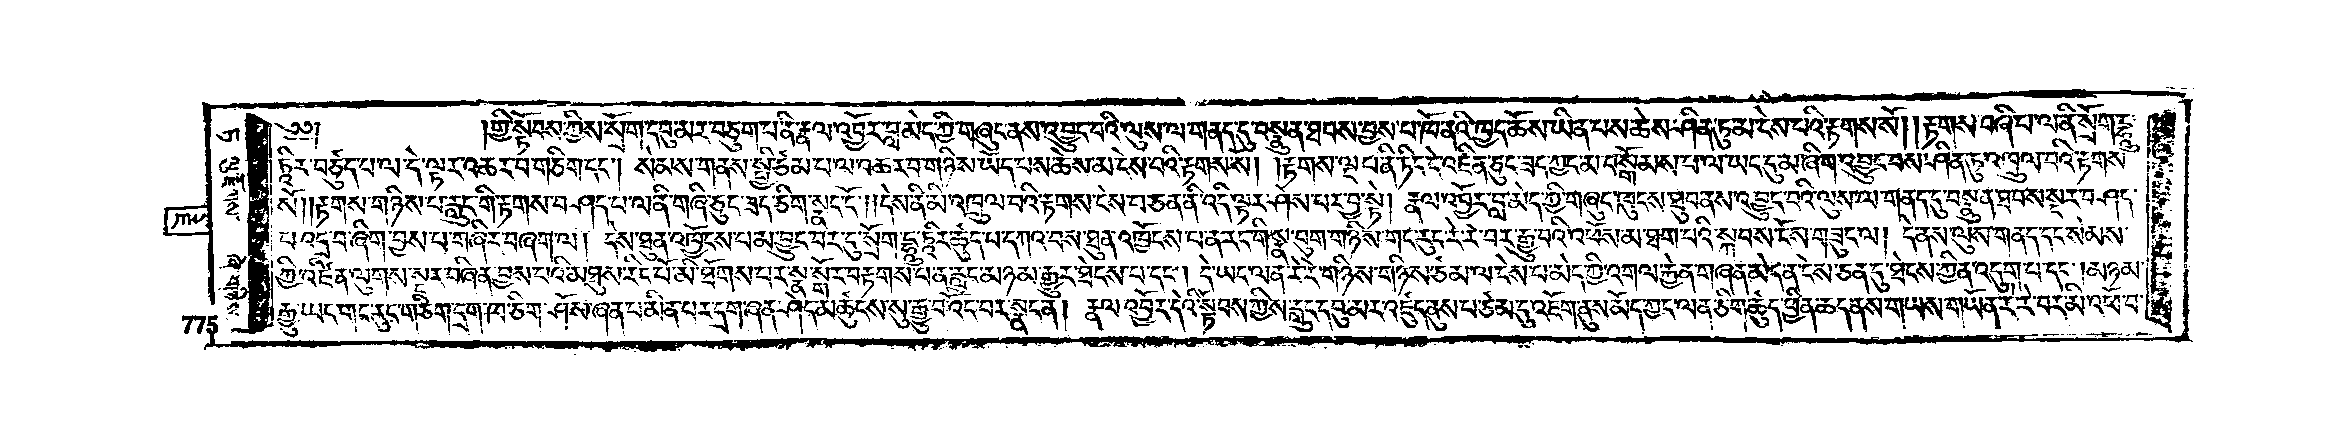༄༅། །གྱི་སྟོབས་ཀྱིས་སྲོག་དབུ་མར་བཅུག་པ་ནི་རྣལ་འབྱོར་བླ་མེད་ཀྱི་གཞུང་ནས་འབྱུང་བའི་ལུས་ལ་གནད་དུ་བསྣུན་ཐབས་བྱས་པ་ཁོ་ནའི་ཁྱད་ཆོས་ཡིན་པས་ཆེས་ཤིན་ཏུ་མ་ངེས་པའི་རྟགས་སོ། །རྟགས་བཞི་པ་ལ་ནི་སྲོག་དྷཱུ་
ཏཱིར་བཙུད་པ་ལ་དེ་ལྟར་འཆར་བ་གཅིག་དང་། སེམས་གནས་སྤྱི་ཙམ་པ་ལ་འཆར་བ་གཉིས་ཡོད་པས་ཆེས་མ་ངེས་པའི་རྟགས་སོ། །རྟགས་ལྔ་པ་ནི་ཏིང་ངེ་འཛིན་ཅུང་ཟད་ཀྱང་མ་བསྒོམས་པ་ལ་ཡང་དུ་མ་ཞིག་འབྱུང་བས་ཤིན་ཏུ་འཁྲུལ་བའི་རྟགས་
སོ། །རྟགས་གཉིས་པ་རླུང་གི་རྟགས་བཤད་པ་ལ་ནི་གཞི་ཅུང་ཟད་ཅིག་སྣང་ངོ། །དེས་ནི་མི་འཁྲུལ་བའི་རྟགས་ངེས་པ་ཅན་ནི་འདི་ལྟར་ཤེས་པར་བྱ་སྟེ། རྣལ་འབྱོར་བླ་མེད་ཀྱི་གཞུང་ཁུངས་ཐུབ་ནས་འབྱུང་བའི་ལུས་ལ་གནད་དུ་བསྣུན་ཐབས་སྔར་བཤད་
པ་འདྲ་བ་ཞིག་བྱས་པ་གཞིར་བཞག་ལ། དེས་ཐུན་འཁྱོངས་པ་མ་བྱུང་བར་དུ་སྲོག་དྷཱུ་ཏཱིར་ཚུད་པ་དཀའ་བས་ཐུན་འཁྱོངས་པ་ན་རང་གི་སྣ་བུག་གཉིས་གང་རུང་རེ་རེ་བར་རྒྱུ་བའི་འཕོས་མ་ཐག་པའི་སྐབས་ངོས་གཟུང་ལ། དེ་ནས་ལུས་གནད་དང་སེམས་
ཀྱི་འཛིན་ལུགས་སྔར་བཞིན་བྱས་པའི་མཐུས་རིང་པོ་མི་ཐོགས་པར་སྣ་སྒོར་བརྟགས་པ་ན་རླུང་མཉམ་རྒྱུར་ཐེངས་པ་དང་། དེ་ཡང་ལན་རེ་རེ་གཉིས་གཉིས་ཙམ་ལ་ངེས་པ་མེད་ཀྱི་འགལ་རྐྱེན་གཞན་མེད་ན་ངེས་ཅན་དུ་ཐེངས་ཀྱིན་འདུག་པ་དང་། མཉམ་
རྒྱུ་ཡང་གང་རུང་གཅིག་དྲག་ལ་ཅིག་ཤོས་ཞན་པ་མིན་པར་དྲག་ཞན་ཤེད་མཚུངས་སུ་རྒྱུ་བ་འོང་བར་སྣང་ན། རྣལ་འབྱོར་དེའི་སྟོབས་ཀྱིས་རླུང་དབུ་མར་འཛུད་ནུས་པ་ཙམ་དུ་འཇོག་ནུས་མོད་ཀྱང་ལན་ཅིག་ཚུད་ཕྱིན་ཆད་ནས་གཡས་གཡོན་རེ་རེ་བར་མི་འཕོ་བ་